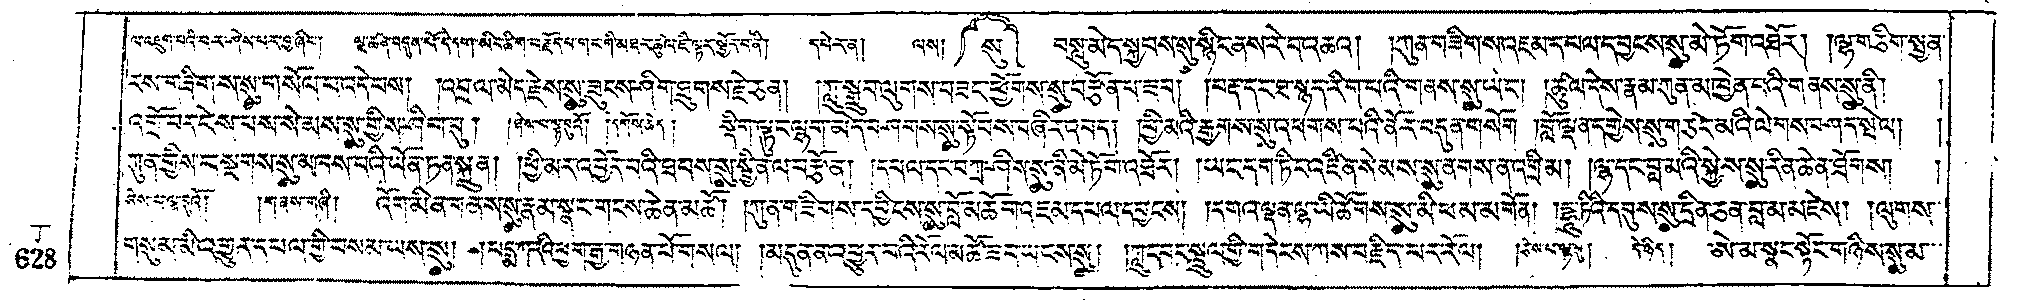ལ་འཇུག་པའི་བར་ཤེས་པར་བྱ་ཞིང་། ལྔ་ཆན་བདུན་པོ་དེ་དག་མིང་ཚིག་བརྗོད་པ་གང་གི་མཐར་ཚུལ་ཇི་ལྟར་སྦྱོར་བ་ནི། དཔེར་ན། ལས། ༼སུ༽ བསླུ་མེད་སྐྱབས་སུ་སྙིང་ནས་རེ་བ་འཆའ། །ཀུན་གཟིགས་འཇམ་དཔལ་དབྱངས་སུ་མེ་ཏོག་འཐོར། །ལྷ་གཅིག་སྤྱན་
རས་གཟིགས་སུ་གསོལ་བ་འདེབས། །འབྲལ་མེད་རྗེས་སུ་ཟུངས་ཤིག་ཐུགས་རྗེ་ཅན། །ཀླུ་སྒྲུབ་ལུགས་བཟང་ཕྱོགས་སུ་བརྩོན་པ་ཟབ། །བརྡ་དང་ཐ་སྙད་རིག་པའི་གནས་སུ་ཡང་། །ཚུལ་དེས་རྣམ་ཀུན་མཁྱེན་པའི་གནས་སུ་ནི། །
འགྲོ་བར་ངེས་པས་སེམས་སུ་གྱིས་ཤིག་བུ། །ཞེས་པ་ལྟ་བུའོ། །དགོས་ཆེད།  སྡིག་ལྟུང་ལྷག་མེད་བཤགས་སུ་སྟོབས་བཞིར་འབད། །ཕྱི་མའི་རྒྱགས་སུ་འཕགས་པའི་ནོར་བདུན་གསོག །བློ་ལྡན་དགྱེས་སུ་གཙང་མའི་ལེགས་བཤད་སྤེལ། །
ཀུན་གྱིས་བསྔགས་སུ་མཁས་པའི་ཡོན་ཏན་སྐྲུན། །ཕྱི་མར་འབྱོར་བའི་ཐབས་སུ་སྦྱིན་ལ་བརྩོན། །དཔལ་དང་བཀྲ་ཤིས་སུ་ནི་མེ་ཏོག་འཐོར། །ཡང་དག་ཏིང་འཛིན་སེམས་སུ་ནགས་ན་འགྲི་མ། །ལྷ་དང་བླ་མའི་སྐྱེས་སུ་རིན་ཆེན་ཐོགས། །
ཞེས་པ་ལྟ་བུའོ། །གནས་གཞི།  འོག་མིན་གནས་སུ་རྣམ་སྣང་གངས་ཆེན་མཚོ། །ཀུན་གཟིགས་དབྱིངས་སུ་བློ་མཆོག་འཇམ་དཔལ་དབྱངས། །དགའ་ལྡན་ལྷ་ཡི་ཚོགས་སུ་མི་ཕམ་མགོན། །དྷཱུ་ཏིའི་དབུས་སུ་དྲིན་ཅན་བླ་མ་མཛེས། །ལུགས་་་
གསུམ་མི་འགྱུར་དཔལ་གྱི་བསམ་ཡས་སུ། །པདམ་ཀ་རའི་ཕྱག་རྒྱ་གཉན་པོ་གསལ། །མདུན་ན་འཕྱུར་བའི་རོལ་མཚོ་ཟབ་ཡངས་སུ། །ཀླུ་དབང་སྦྲུལ་གྱི་གདེངས་ཀས་བརྗིད་པར་རོ། །ཅེས་པ་ལྟ་བུ། དེ་ཉིད།  ཨེ་མ་སྣང་སྟོང་གཉིས་སུ་མ་་་